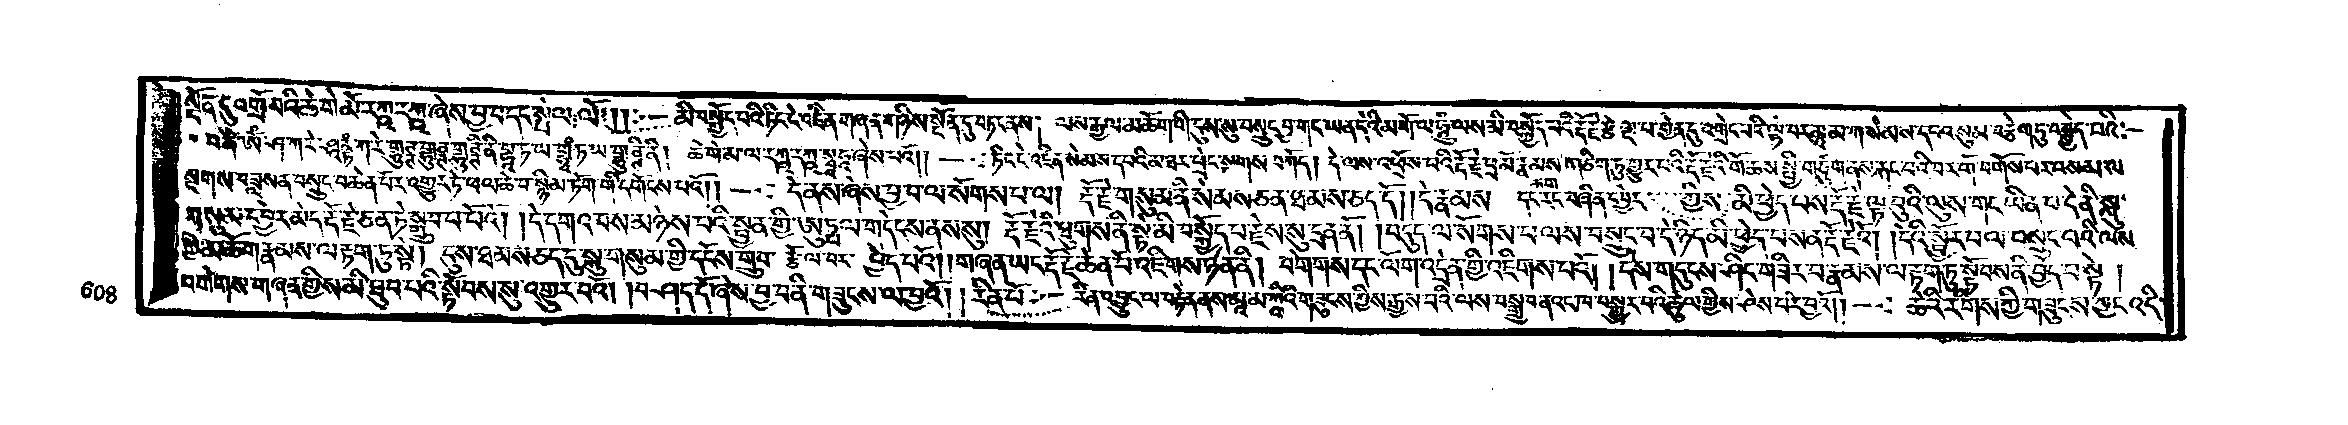སྔོན་དུ་འགྲོ་བའི་ཆེ་གེ་མོ་རཀྵ་རཀྵ་ཞེས་བྱ་བ་དང་སྤེལ་ལོ། །མི་བསྐྱོད་པའི་ཏིང་ངེ་འཛིན་གཞན་གཉིས་སྔོན་དུ་བཏང་ནས། ལས་རྒྱལ་མཆོག་གི་དུས་སུ་བསྲུང་བྱ་གང་ཡིན་དེའི་མགོ་ལ་ཧཱུཾ་ལས་མི་བསྐྱོད་པའི་རྡོ་རྗེ་རྩེ་ལྔ་པ་གྱེན་དུ་འགྲེང་བའི་ལྟེ་བར་མཱ་མ་ཀི་སེམས་དཔའ་སུམ་བརྩེག་ཏུ་བསྐྱེད་པའི་
༧བ་ནི་ཨོཾ་ཤི་ཀ་རེ་ཤཱནྟིཾ་ཀ་རེ་གྷུཊྚ་གྷུཊྚི་གྷུཊྚི་ནི་གྷཱ་ཏ་ཡ་གྷཱ་ཏ་ཡ་གྷུཊྚི་ནི། ཆེ་གེ་མོ་ལ་རཀྵ་རཀྵ་སྭཱ་ཧཱ་ཞེས་པའོ། །ཏིང་ངེ་འཛིན་སེམས་དཔའི་མཐར་ཕྲེང་སྔགས་བཀོད། དེ་ལས་འཕྲོས་པའི་རྡོ་རྗེ་ཕྲ་མོ་རྣམས་གཅིག་ཏུ་གྱུར་པའི་རྡོ་རྗེའི་གོ་ཆོས་སྤྱི་གཙུག་ནས་རྐང་པའི་བར་གོ་བགོས་པར་བསམ་ལ་
སྔགས་བཟླས་ན་བསྲུང་བ་ཆེན་པོར་འགྱུར་ཏེ་ཕལ་ཆེ་བ་སྙིམ་ཏོག་གི་དགོངས་པའོ།། དེ་ནས་ཞེས་བྱ་བ་ལ་སོགས་པ་ལ། རྡོ་རྗེ་གསུམ་ནི་སེམས་ཅན་ཐམས་ཅད་དོ། །དེ་རྣམས་དང་ཆག་རང་བཞིན་དབྱེར་ཀྱིས་མི་ཕྱེད་པས་རྡོ་རྗེ་ལྟ་བུའི་ལུས་གང་ཡིན་པ་དེ་ནི་སྐུ་
གསུམ་དབྱེར་མེད་རྡོ་རྗེ་ཅན་ཏེ་སྒྲུབ་པ་པོའོ། །དེ་དགའ་བས་མཉེས་པའི་སྤྱན་གྱི་ཨུཏྤལ་གདེངས་ནས་སུ། རྡོ་རྗེའི་ཐུགས་ནི་སྟེ་མི་བསྐྱོད་པ་རྗེས་སུ་དྲན་ནོ། །བདུད་ལ་སོགས་པ་ལས་བསྲུང་བ་དེ་ཉིད་མི་ཕྱེད་པས་ན་རྡོ་རྗེའོ། །དེའི་སྦྱོར་བ་ལ་བསྲུང་བའི་ལས་
ཀྱི་མཆོག་རྣམས་ལ་རྟག་ཏུ་སྟེ། དུས་ཐམས་ཅད་དུ་སྐུ་གསུམ་གྱི་དངོས་གྲུབ་རྩོལ་བར་བྱེད་པའོ། །གཞན་ཡང་རྡོ་རྗེ་ཆེན་པོ་འཇིགས་ཉིན་ནི། བགེགས་དང་ལོག་འདྲེན་གྱི་འཇིགས་པའོ། །དེས་གདུངས་ཤིང་གཟིར་བ་རྣམས་ལ་རྟག་ཏུ་སྟོབས་ནི་བྱེད་པ་སྟེ།
བགེགས་གཞན་གྱིས་མི་ཐུབ་པའི་སྟོབས་སུ་འགྱུར་བའོ། །བཤད་དོ་ཞེས་བྱ་བ་ནི་གཟུངས་ལ་བྱའོ། །རིན་པོ་རིན་འབྱུང་ལ་བརྟེན་ནས་མཱ་མ་ཀཱིའི་གཟུངས་ཀྱིས་རྒྱས་པའི་ལས་བསྒྲུབ་ནའང་ཁ་བསྒྱུར་བའི་ཚུལ་གྱིས་ཤེས་པར་བྱའོ།།  ཆེའི་རིགས་ཀྱི་གཟུངས་ཀྱང་འདི་